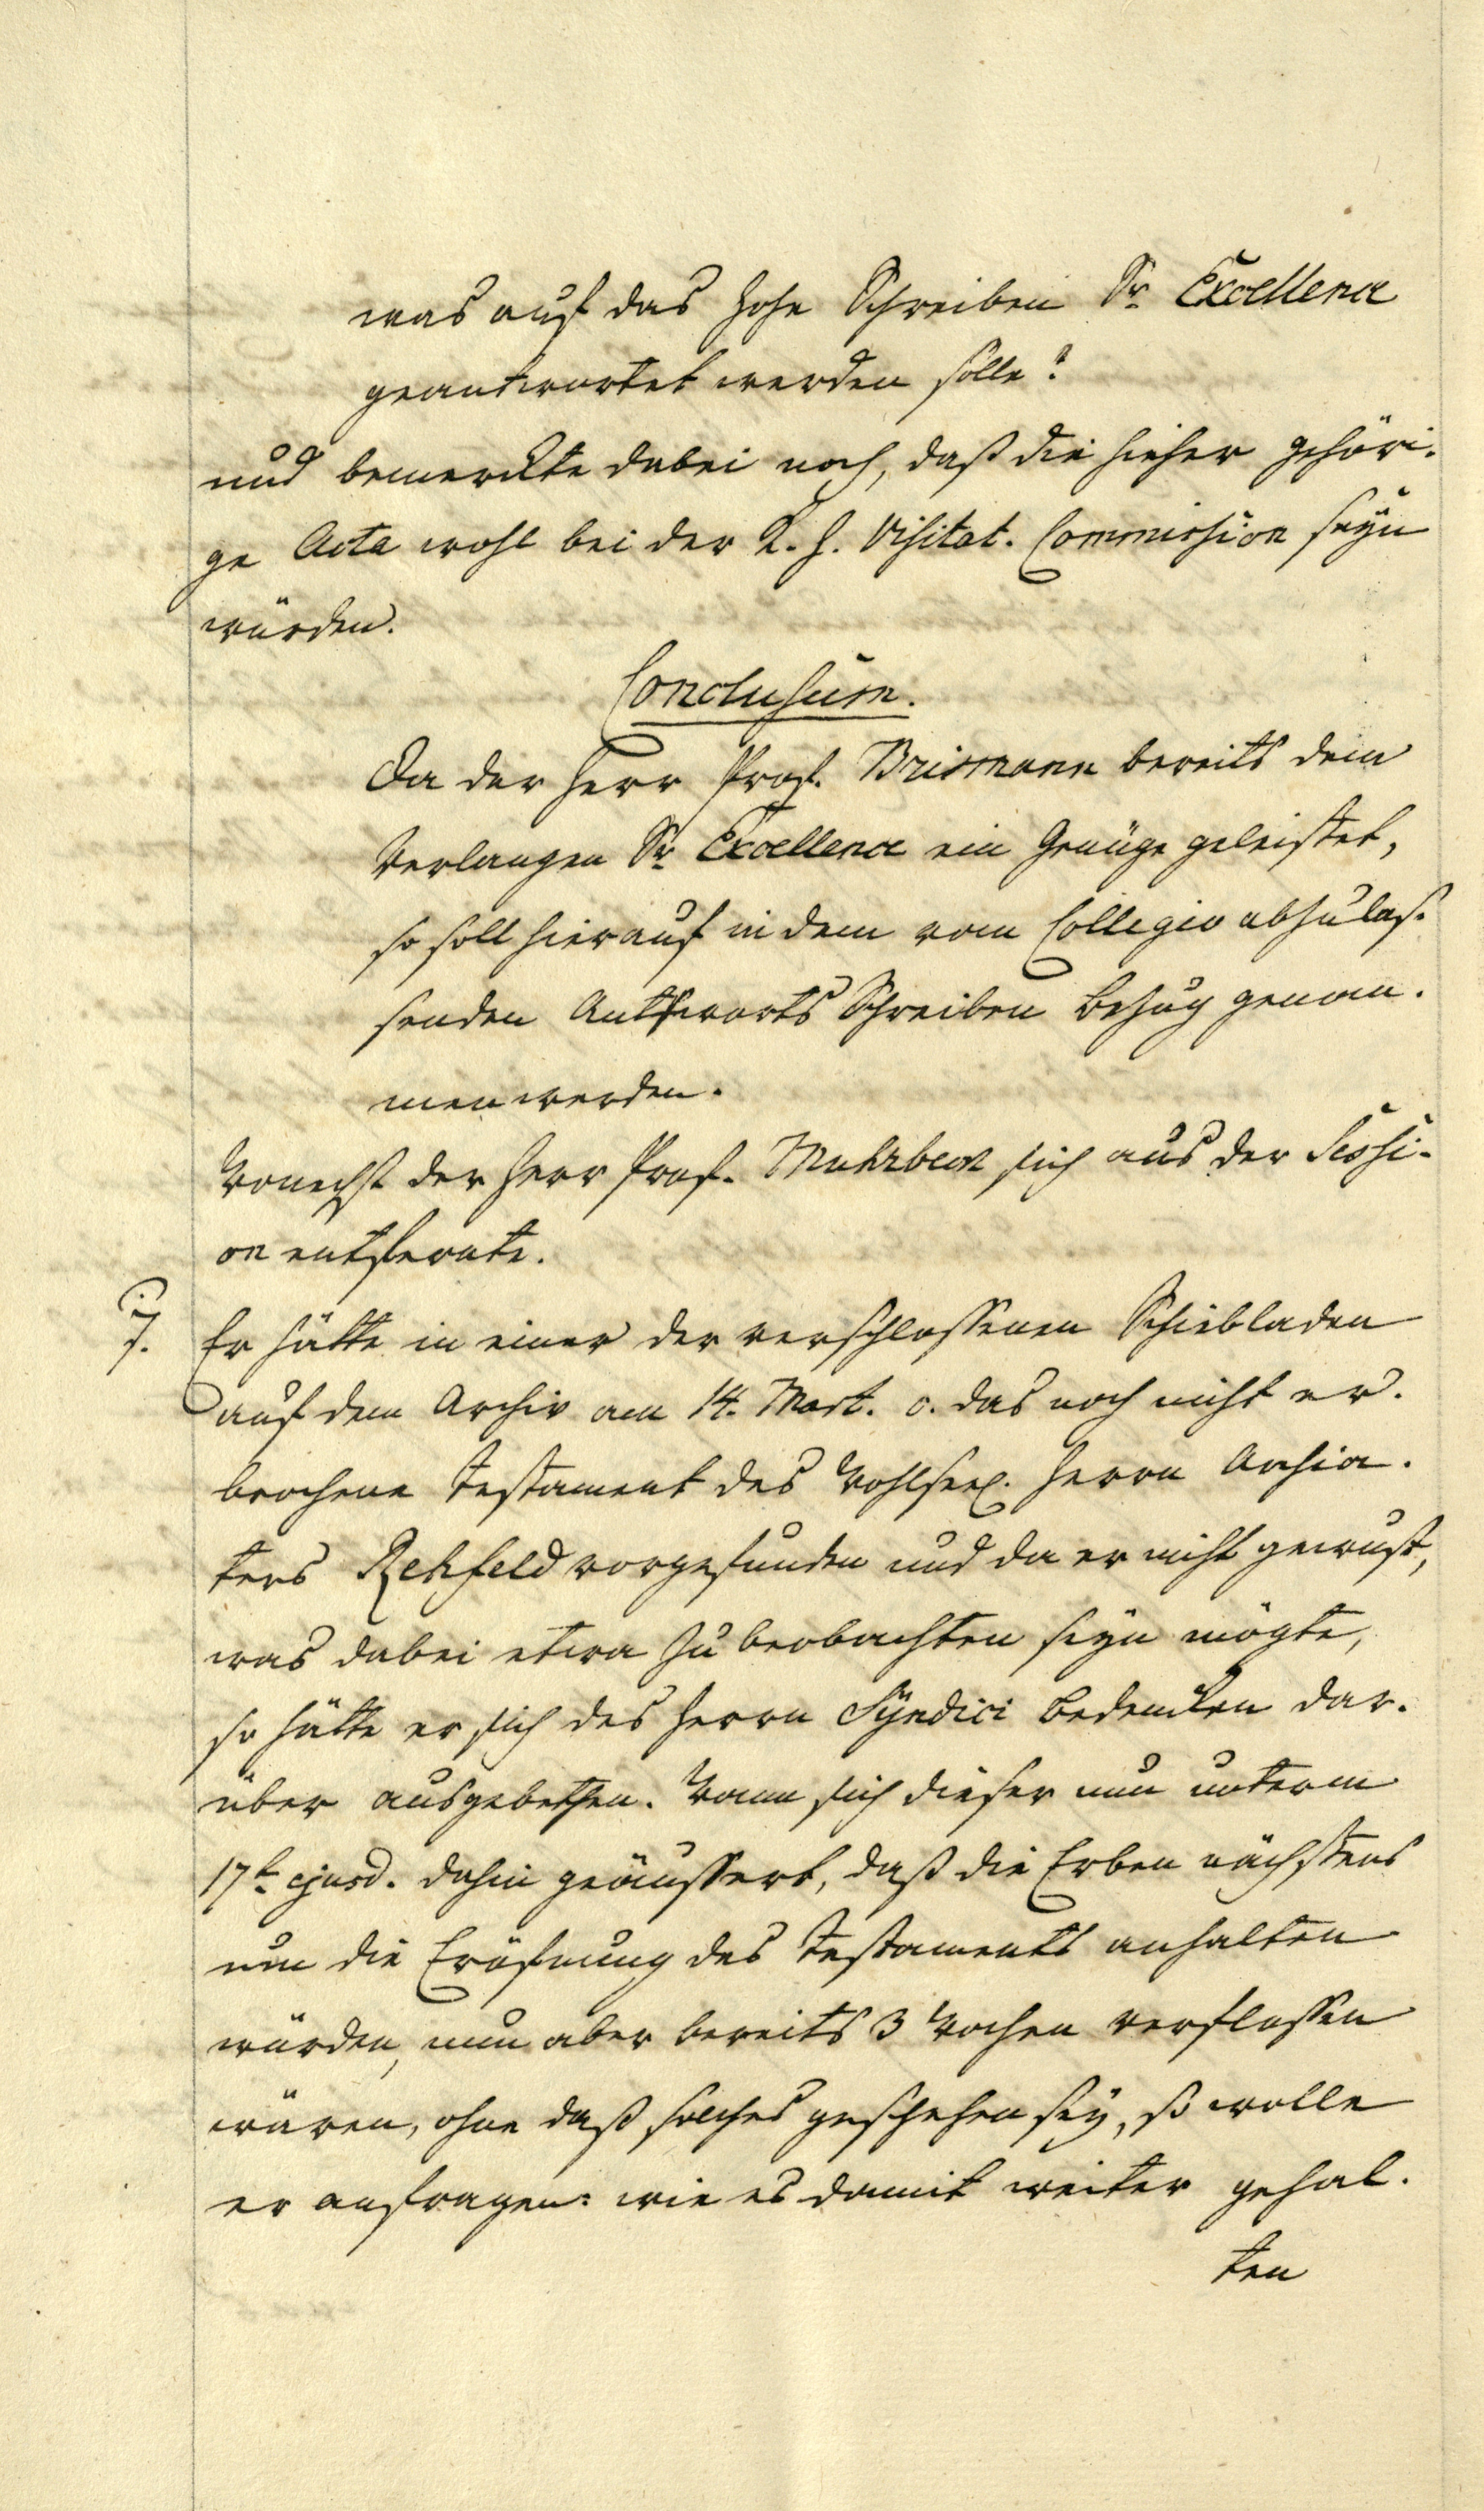was auf das hohe Schreiben Sr Excellence
geantwortet werden solle?
und bemerckte dabei noch, daß die hieher gehöri¬
ge Acta wohl bei der K. H. Visitat. Commission seÿn
würden.
Conclusum.
Da der Herr Prof. Brismann bereits dem
Verlangen Sr. Excellence ein Genüge geleistet,
so soll hierauf in dem vom Collegio abzulas¬
senden Antsworts Schreiben Bezug genom¬
men werden.
Wonechst der Herr Prof. Muhrbeck sich aus der Sessi¬
on entfernte.
7. Er hätte in einer der verschlossenen Schiebladen
auf dem Archiv am 14. Mart. c. das noch nicht er¬
brochene Testament des Wohlseel. Herrn Archia¬
ters Rehfeld vorgefunden und da er nicht gewust,
was dabei etwa zu beobachten seÿn mögte,
so hätte er sich des Herrn Sÿndici Bedencken dar¬
über ausgebethen. Wann sich dieser nun unterm
17 t ejusd. dahin geäussert, daß die Erben nächstens
um die Eröfnung des Testaments anhalten
würden, nun aber bereits 3 Wochen verflossen
wären, ohne daß solches geschehen seÿ, so wolle
er anfragen wie es damit weiter gehal¬
ten